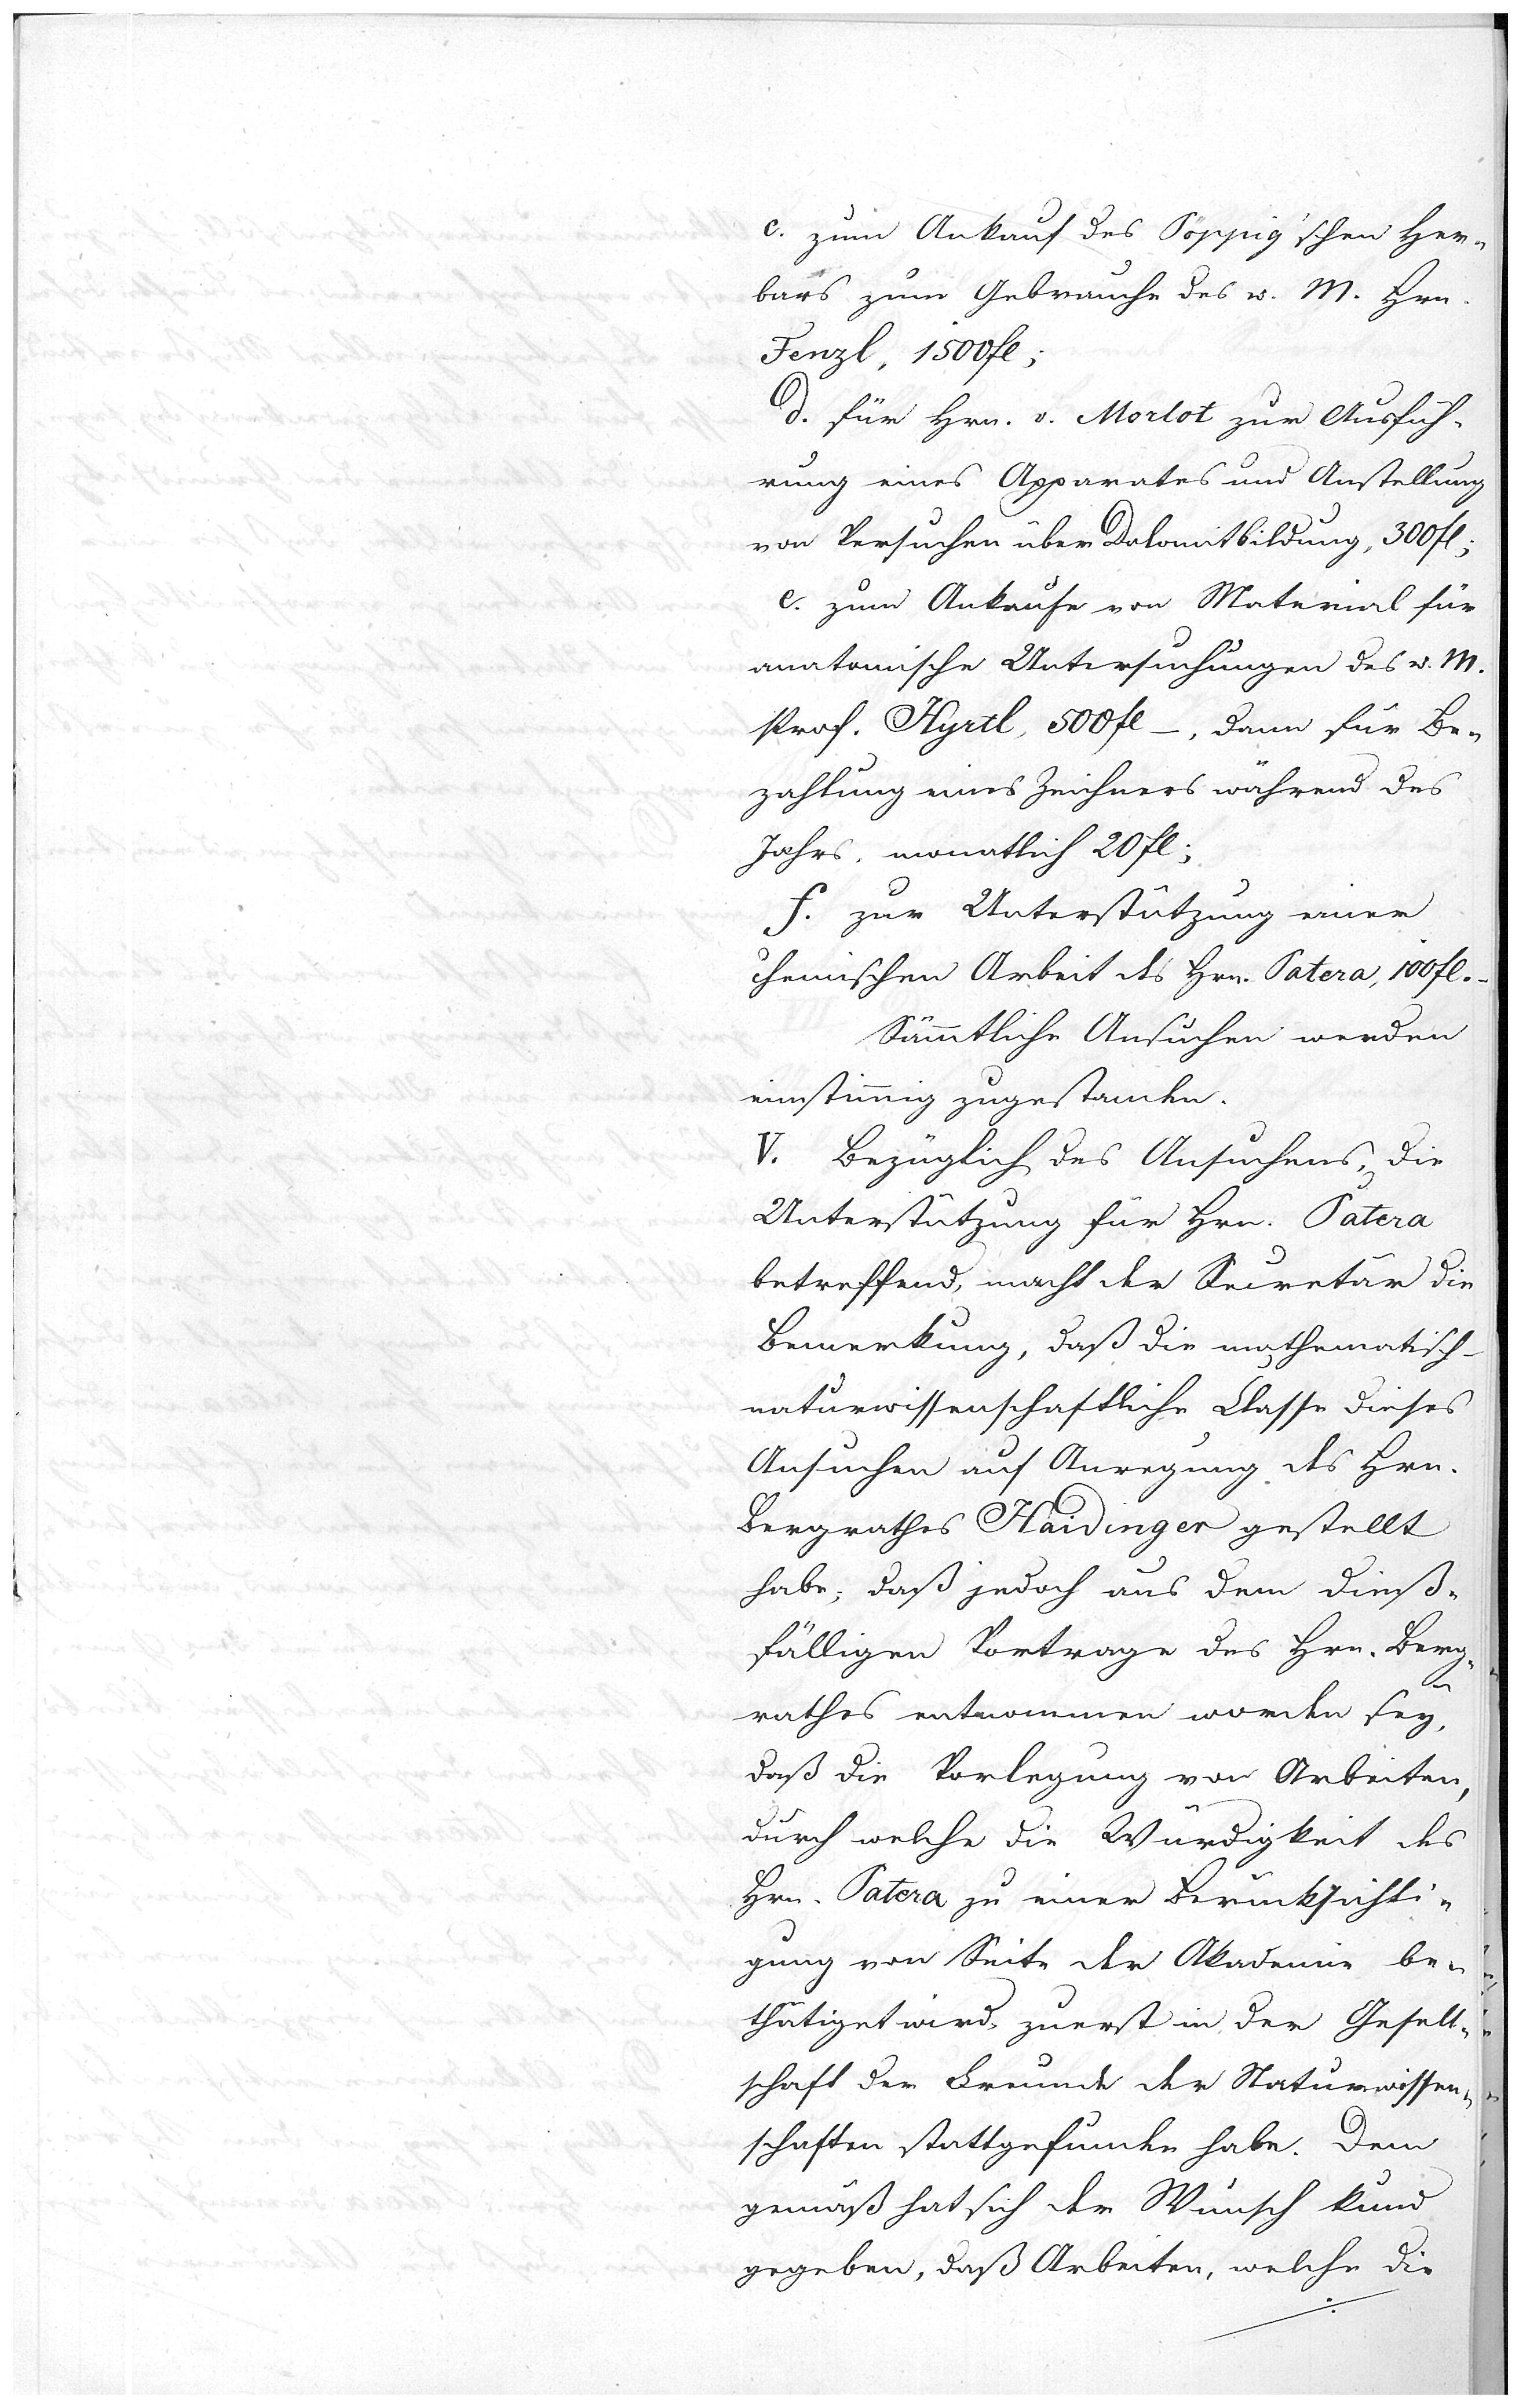c. zum Ankauf des Pöppig'schen Her-
bars zum Gebrauch des w. M. Hrn.
Fenzl, 1500 fl;
d. für Hrn. v. Morlot zur Ausfüh-
rung eines Apparates und Anstellung
von Versuchen über Dolomitbildung, 300 fl;
e. zum Ankaufe von Material für
anatomische Untersuchungen des w. M.
Prof. Hyrtl, 500 fl, dann für Be-
zahlung eines Zeichners während des
Jahrs, monatlich 20 fl;
f. zur Unterstützung einer
chemischen Arbeit der Hrn. Patera, 100 fl.
Sämmtliche Ansuchen werden
einstimmig zugestanden.
V. Bezüglich des Ansuchens, die
Unterstützung für Hrn. Patera
betreffend, macht der Secretär die
Bemerkung, daß die mathematisch-
naturwissenschaftliche Classe dieses
Ansuchen auf Anregung des Hrn.
Bergrath Haidinger gestellt
habe, daß jedoch aus dem dieß-
fälligen Vorträge des Hrn. Berg-
rathes entnommen worden sey,
daß die Vorlegung von Arbeiten,
durch welche die Würdigkeit des
Hrn. Patera zu einer Berücksichti-
gung von Seite der Akademie be-
thätiget wird, zuerst in der Gesell-
schaft der Freunde der Naturwissen-
schaften stattgefunden habe. Dem
gemäß hat sich der Wunsch kund
gegeben, daß Arbeiten, welche die